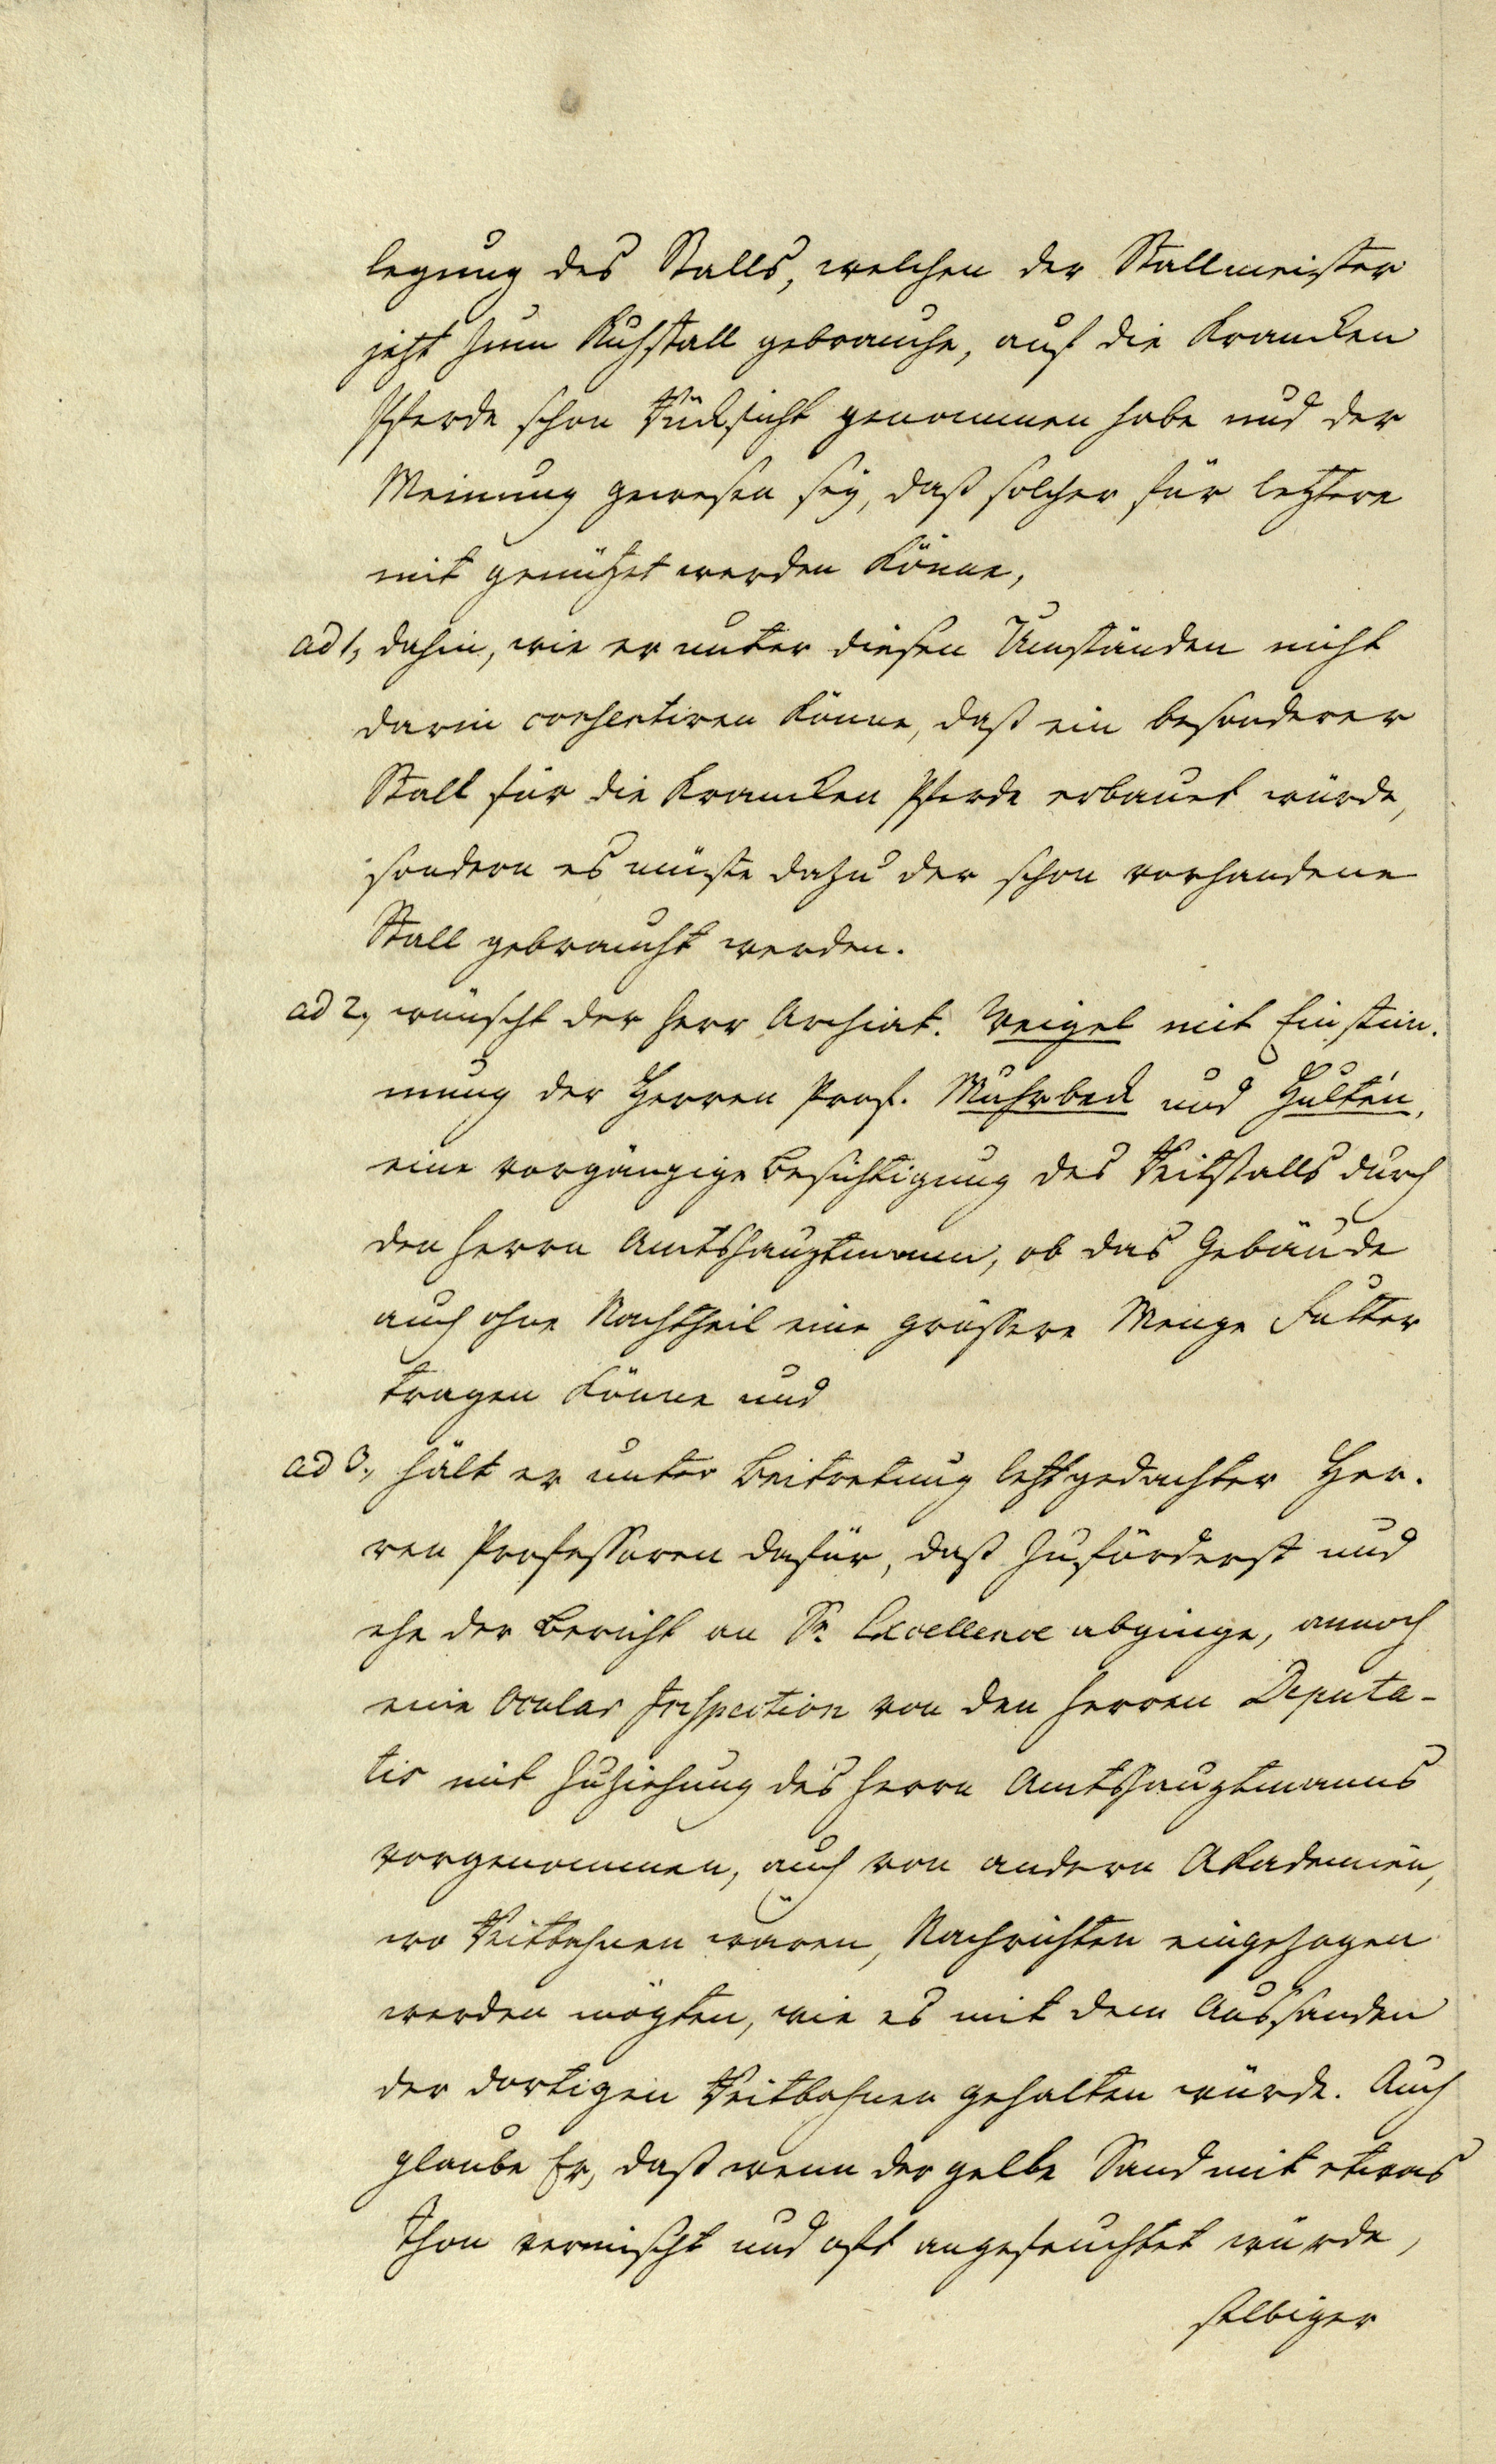legung des Stalls, welchen der Stallmeister
jetzt zum Kuhstall gebrauche, auf die krancken
Pferde schon Rücksicht genommen habe und der
Meinung gewesen seÿ, daß solcher für letztere
mit genützet werden könne,
ad 1, dahin, wie er unter diesen Umständen nicht
darin consentiren könne, daß ein besonderer
Stall für die krancken Pferde erbauet würde,
sondern es müßte dazu der schon vorhandene
Stall gebraucht werden.
ad 2., wünscht der Herr Archiat. Weigel mit Einstim¬
mung der Herren Prof. Muhrbeck und Hultén,
eine vorgängige Besichtigung des Reitstalls durch
den Herrn Amtshauptmann, ob das Gebäude
auch ohne Nachtheil eine grössere Menge Futter
tragen könne und
ad 3. hält er unter Beitretung letztgedachter Her¬
ren Professoren dafür, daß zuförderst und
ehe der Bericht an Sr Excellence abginge, annoch
eine Ocular Inspection von den Herren Deputa¬
tis mit Zuziehung des Herrn Amtshauptmanns
vorgenommen, auch von andere Akademien,
wo Reitbahnen wären, Nachrichten eingezogen
werden mögten, wie es mit dem Aussanden
der dortigen Reitbahnen gehalten würde. Auch
glaube Er, daß wenn der gelbe Sand mit etwas
Thon vermischt und oft angefeuchtet würde,
selbiger